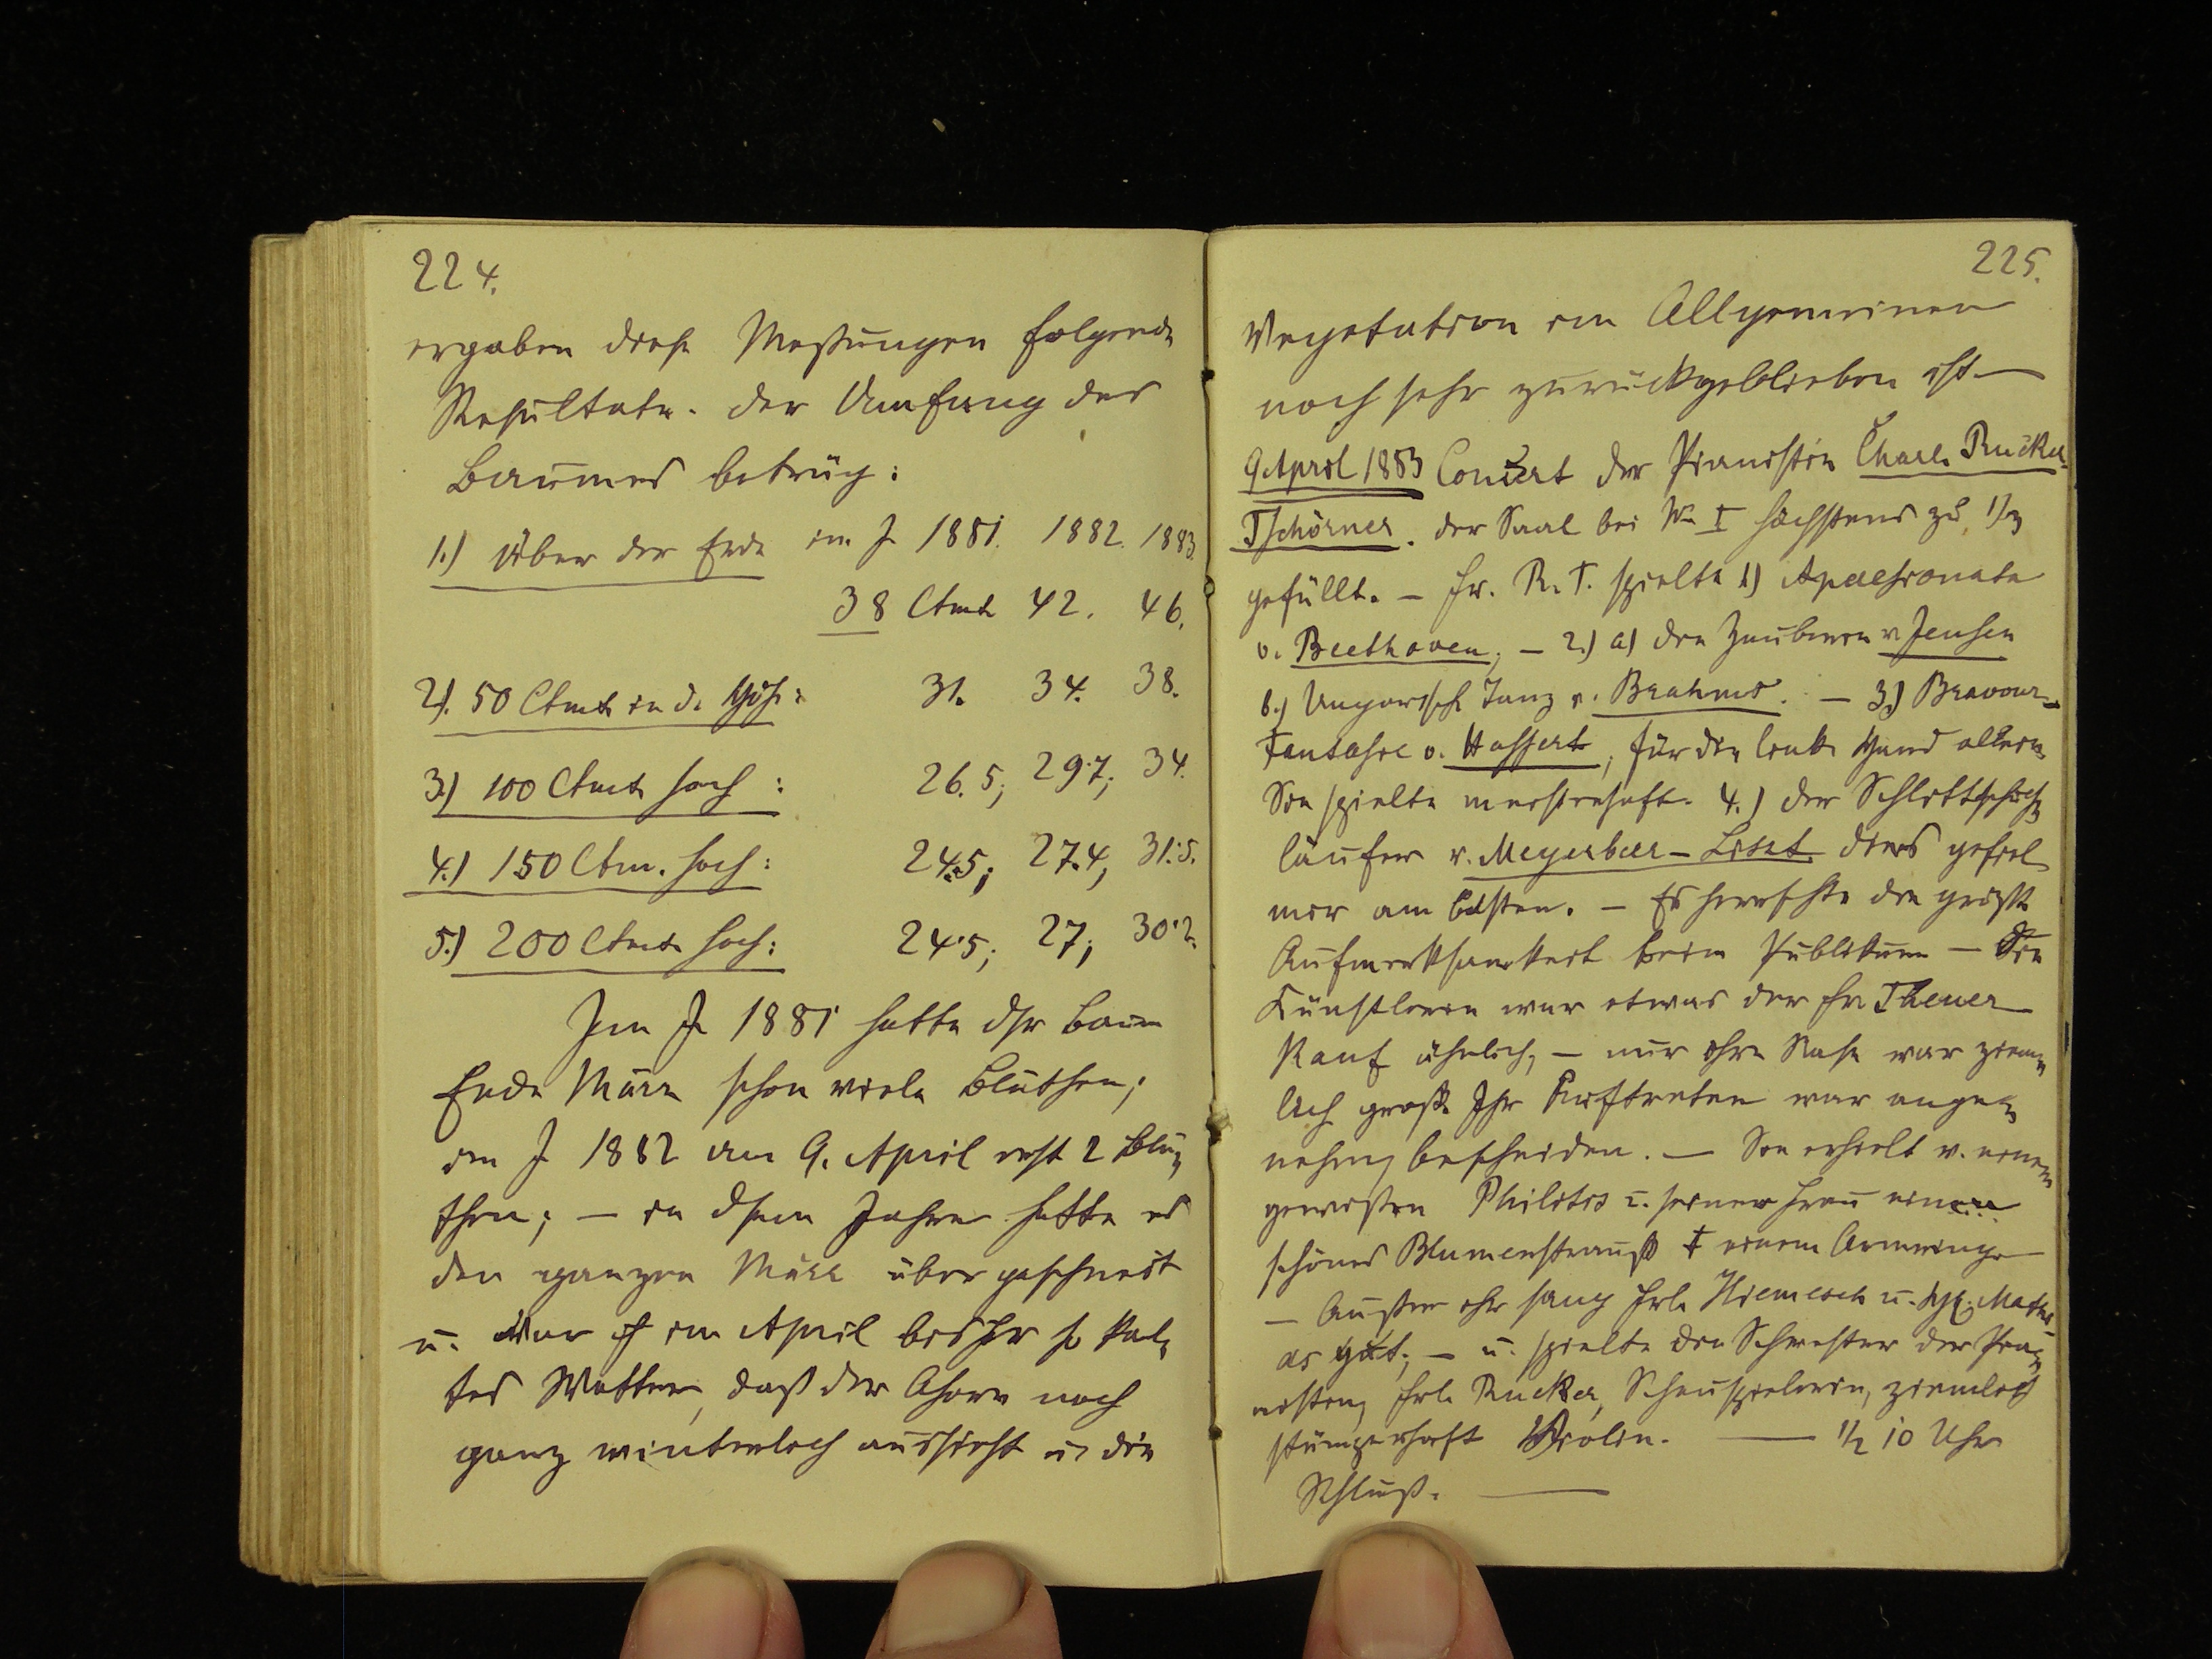224
ergaben diese Messungen folgende
Resultate. Der Umfang des
Baumes betrug:
1) Oberhalb der Erde im Jahre 1881 1882 1883
ctmtr 38 41 46
2) 50 ctmtr in der Höhe 31 34 38
3) 100 ctmtr hoch 26,5 29,7 38
4) 150 ctmtr hoch 24,5 27,4 31,5
5) 200 ctmtr hoch 24,5 27 30,2
Im Jahre 1881 hatte der Baum
Ende März schon viele Blätter;
im J. 1882 am 9. April erst 2 Blä¬
tter; - in diesem Jahr hatte es
den ganzen März über geschneit
und war auch im April bisher so kal¬
tes Wetter, daß der Ahorn noch
ganz winterlich aussieht und die
225
Vegetation im Allgemeinen
noch sehr zurückgeblieben ist.
9. April 1883 Concert der Pianistin Charen Rucker
Tschörnes. Der Saal bei Wa I höchstens zu 1/3
gefüllt.- Fr. R.T spielte 1) Apaesonate
von Beethoven. 2) a) der Zauberer von Jensen,
b) Ungarischer Tanz von Brahms.- 3 Bravour-
Fantasie von Hassert; für die linke Hand allein.-
Sie spielte meisterhaft.- 4) Der Schlittschuh¬
läufer von Meyerbeer-Liszt dies gefiel
mir am besten.- Es herrschte die größte
Aufmerksamkeit beim Publikum- Die
Künstlerin war etwas der Fr. Theuer¬
Kauf ähnlich;-- nur ihre Nase war ziem¬
lich groß.- Ihr Auftreten war ange¬
nehm bescheiden.- Sie erhielt von einem
gewißen Philotos und seiner Frau einen
schönen Blumenstrauß mit einem Armring.
- Außer ihr sang Frl. Hiemesch und Herr Mathi¬
as gut;- und spielte die Schwester der Pia¬
nistin Frl. Rucker, Schauspielerin , ziemlich
stümperhaft Violin. - 1/2 10 Uhr
Schluß.---